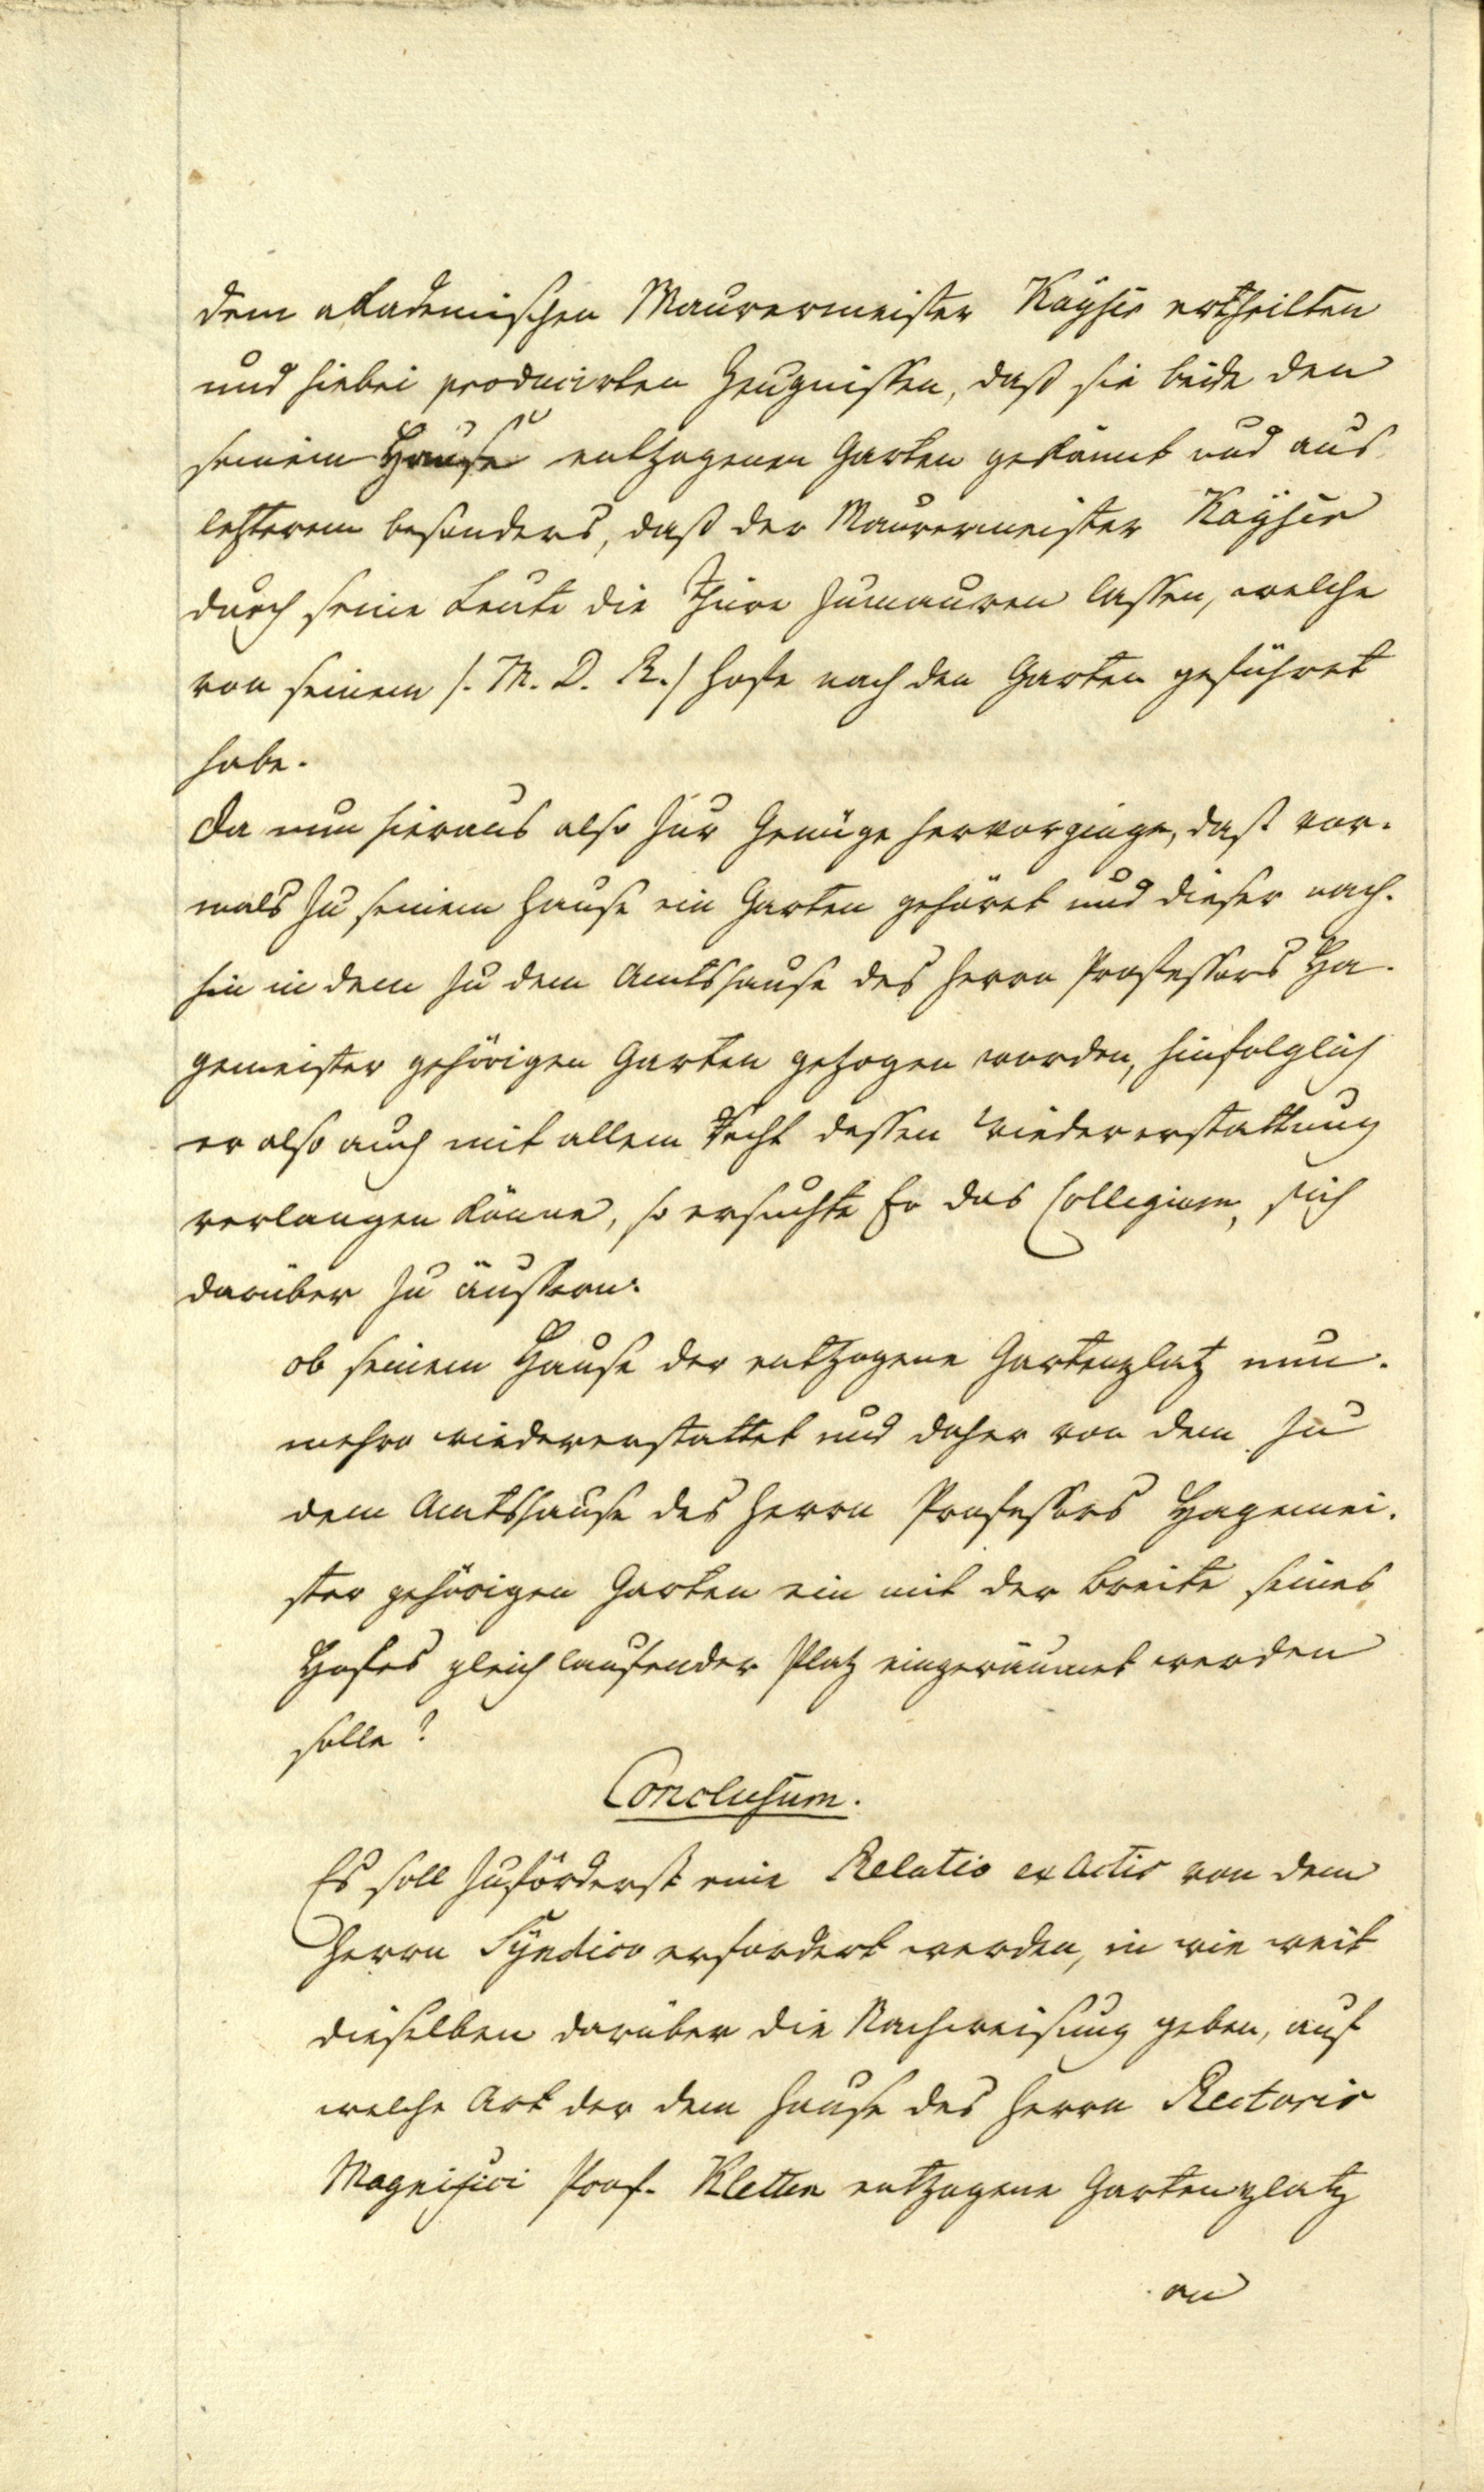dem akademischen Maurermeister Kaÿser ertheilten
und hiebei producirten Zeugnissen, daß sie beide den
seinem Hause entzogenen Garten gekannt und aus
letzterem besonders, daß der Maurermeister Kaÿser
durch seine Leute die Thüre zumauren lassen, welche
von seinem /. M. D. R./ Hofe nach den Garten geführet
habe.
Da nun hieraus also zur Genüge hervorginge, daß vor¬
mals zu seinem Hause ein Garten gehöret und dieser nach¬
hin in dem zu dem Amtshause des Herrn Professors Ha-
gemeister gehörigen Garten gezogen worden, hinfolglich
er also auch mit allem Recht dessen Wiedererstattung
verlangen könne, so ersuchte Er das Collegium, sich
darüber zu äussern:
ob seinem Hause der entzogene Gartenplatz nun¬
mehr wiedererstattet und daher von dem zu
dem Amtshause des Herrn Professors Hagemei¬
ster gehörigen Garten ein mit der Breite seines
Hofes gleich laufender Platz eingeräumet werden
solle?
Conclusum.
Es soll zuförderst eine Relatio ex Actis von dem
Herrn Sÿndico erfordert werden, in wie weit
dieselben darüber die Nachweisung geben, auf
welche Art der dem Hause des Herrn Rectoris
Magnifici Prof. Kletten entzogene Gartenplatz
an